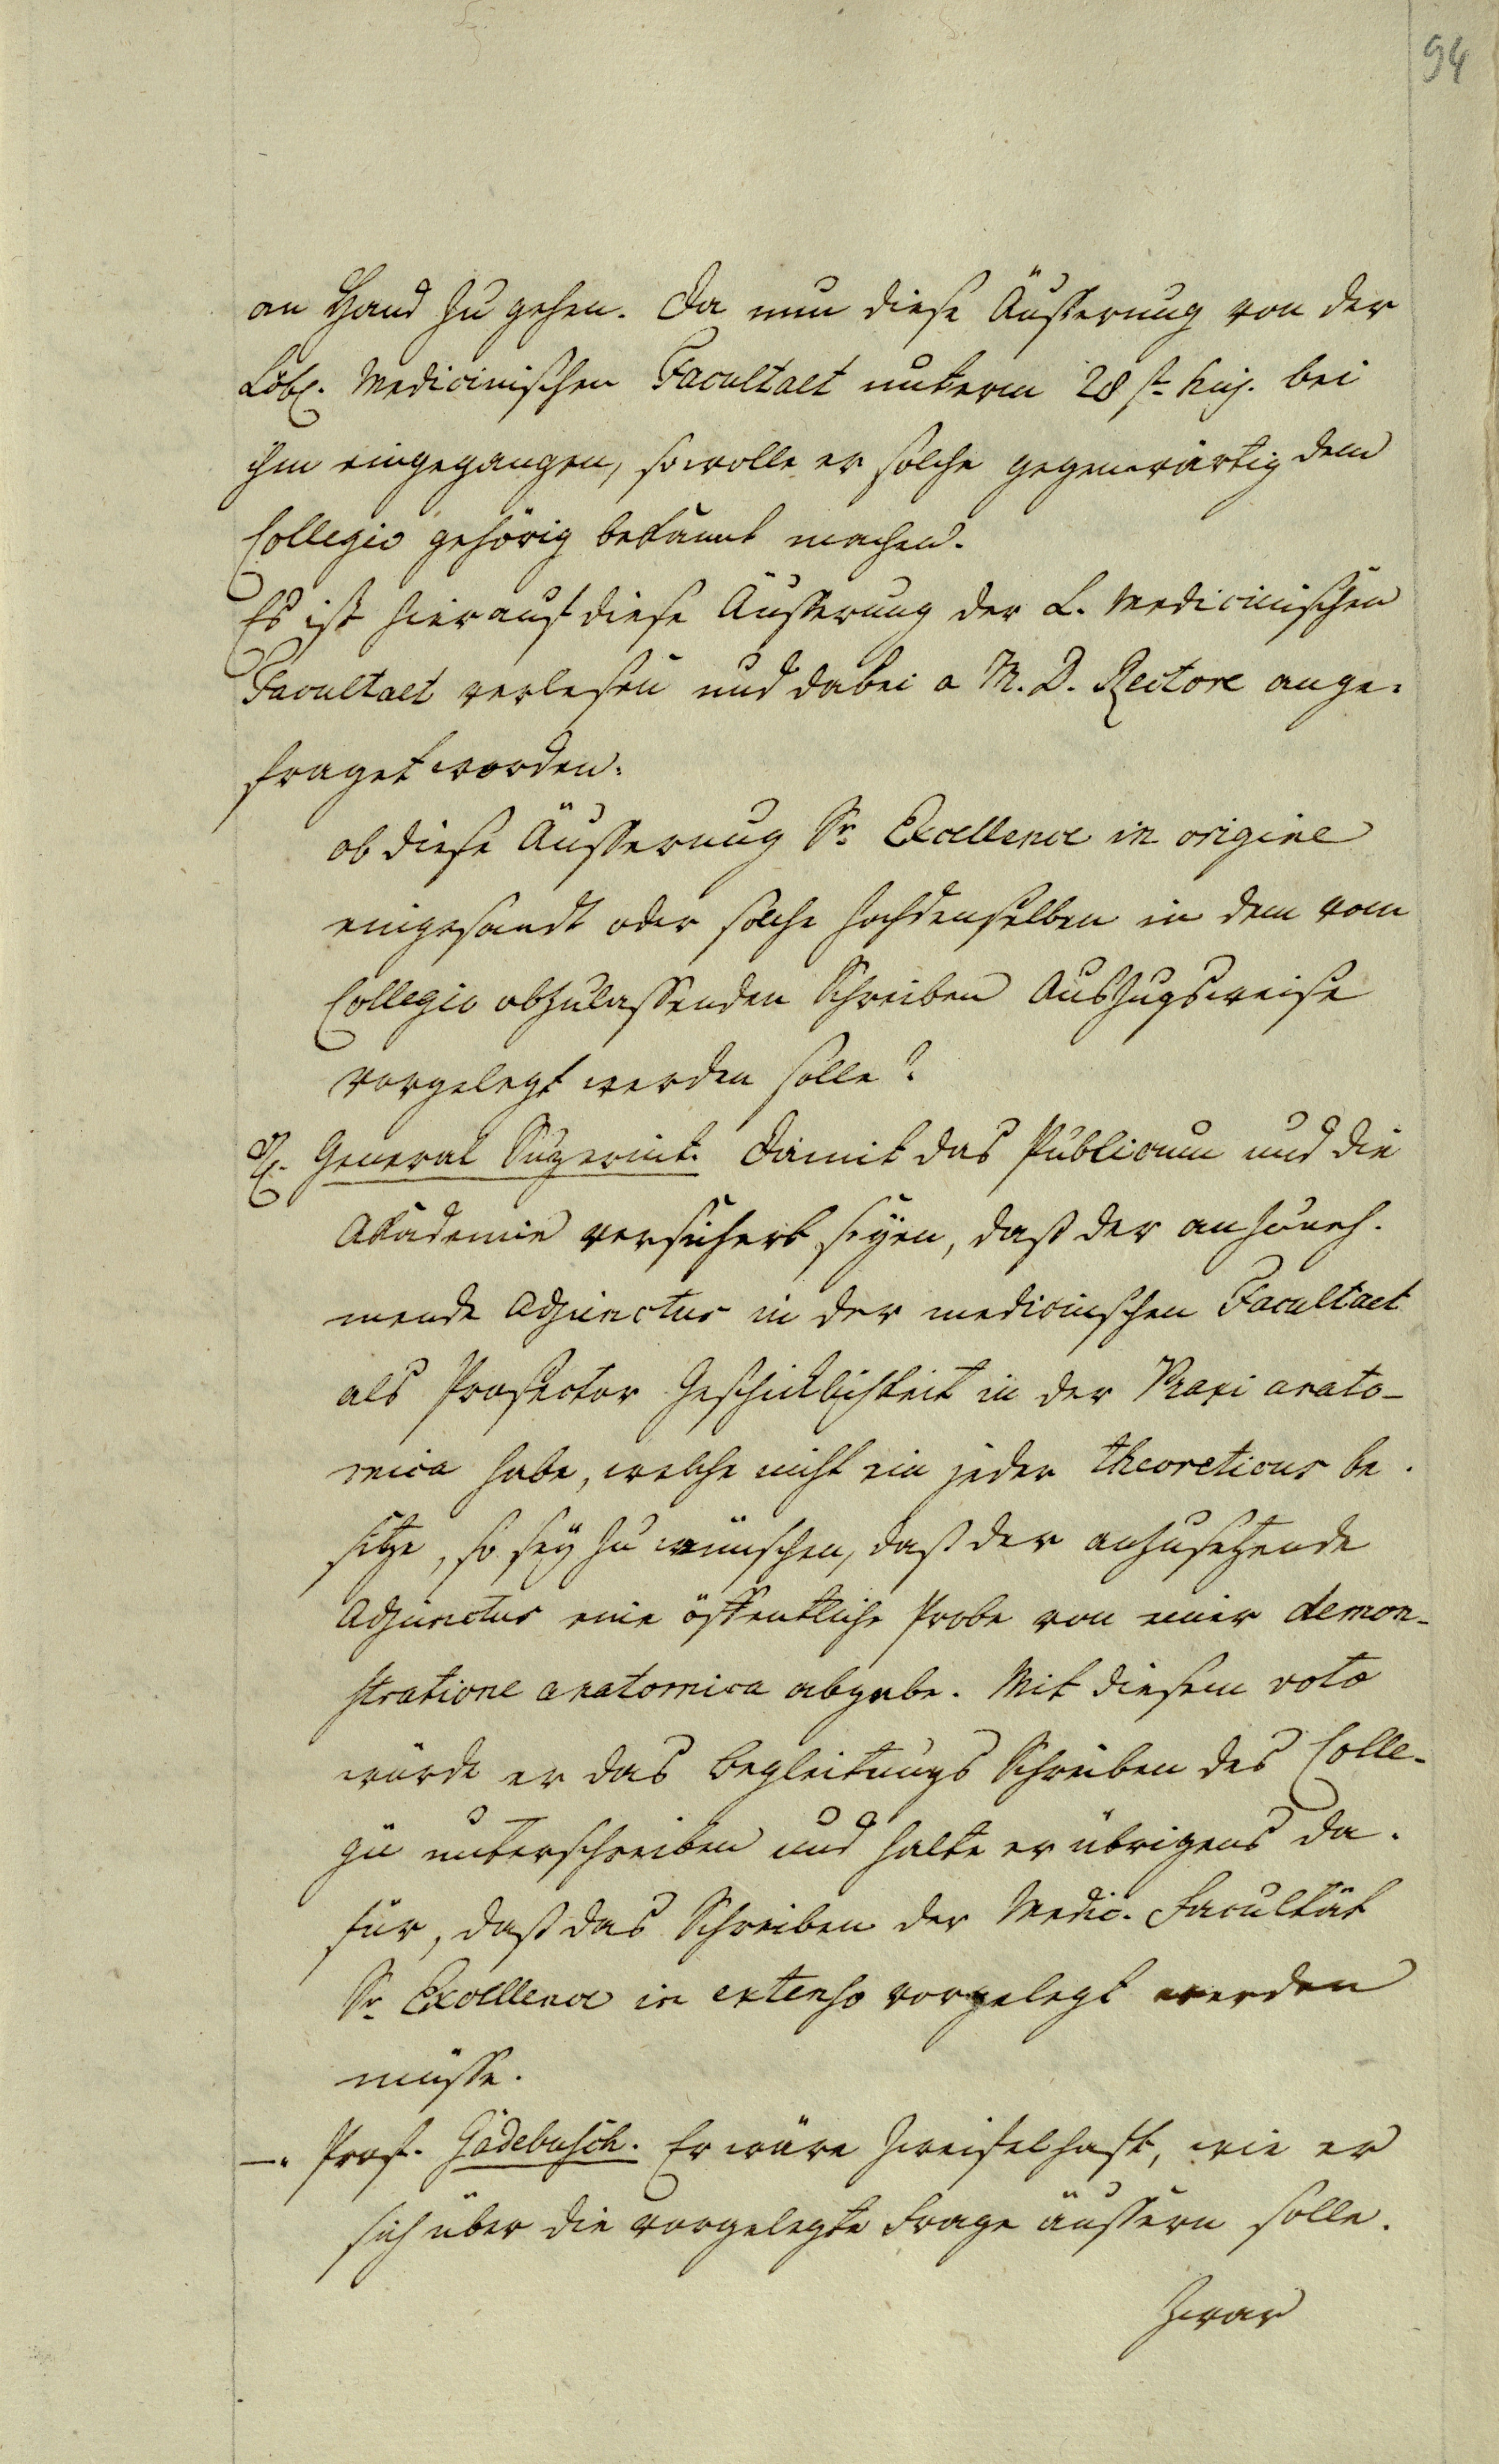an Hand zu gehen. Da nun diese Äusserung von der
Löbl. Medicinischen Facultaet unterm 28 st huj. bei
ihm eingegangen, so wolle er solche gegenwärtig dem
Collegio gehörig bekannt machen.
Es ist hierauf diese Äusserung der L. Medicinischen
Facultaet verlesen und dabei a M. D. Rectore ange¬
fraget worden:
ob diese Äusserung Sr Excellence in origine
eingesandt oder solche Hochdenselben in dem vom
Collegio abzulassenden Schreiben Auszugsweise
vorgelegt werden solle?
dh. General Superint. Damit das Publicum und die
Akademie versichert seÿen, daß der anzuneh¬
mende Adjunctus in der medicinischen Facultaet
als Prosector Geschicklichkeit in der Praxi anato¬
mica habe, welche nicht ein jeder theoreticus be¬
sitze, so seÿ zu wünschen, daß der anzusetzende
Adjunctus eine öffentliche Probe von einer demon-
stratione anatomica abgebe. Mit diesem voto
würde er das Begleitungs Schreiben des Colle¬
gii unterschreiben und halte er übrigens da¬
für, daß das Schreiben der Medic. Facultät
Sr Excellence in extenso vorgelegt werden
müsse.
Prof. Gadebusch. Er wäre zweifelhaft, wie er
sich über die vorgelegte Frage äussern solle.
Zwar